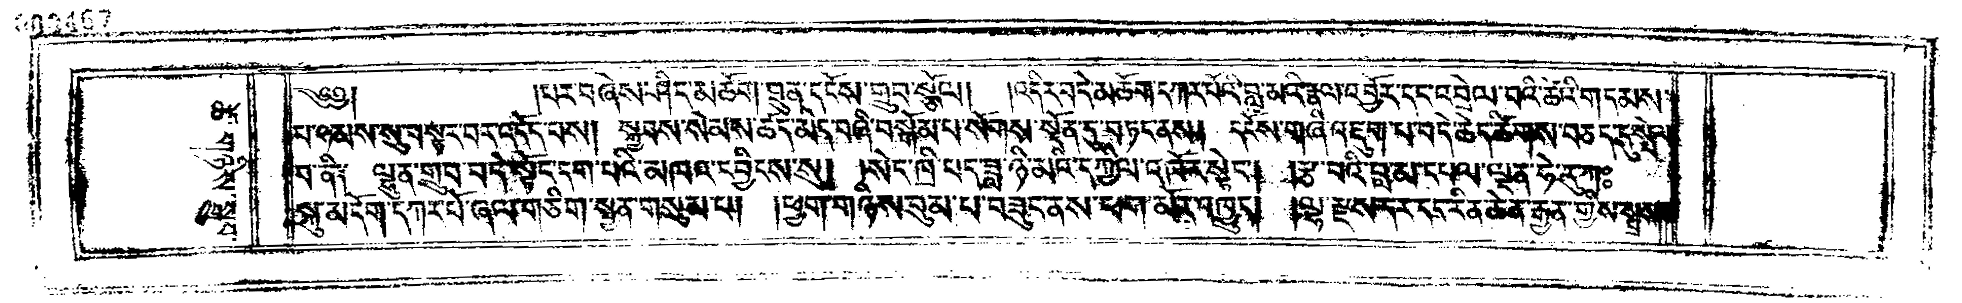༄༅། །པར་བཞེས་ཤིང་མཆོག་ཐུན་དངོས་གྲུབ་སྩོལ། །འདིར་བདེ་མཆོག་དཀར་པོའི་བླ་མའི་རྣལ་འབྱོར་དང་འབྲེལ་བའི་ཚེའི་གདམས་
པ་ཉམས་སུ་བསྟར་བར་འདོད་པས། སྐྱབས་སེམས་ཚད་མེད་བཞི་བསྒོམ་པ་སོགས་སྔོན་དུ་བཏང་ནས། དངོས་གཞི་འཇུག་པ་བདེ་ཆེད་ཚིགས་བཅད་དུ་སྤེལ་
བ་ནི། ལྷུན་གྲུབ་བདེ་སྟོང་དག་པའི་མཁའ་དབྱིངས་སུ། །སེང་ཁྲི་པད་ཟླ་ཉི་མའི་དཀྱིལ་འཁོར་སྟེང་། །རྩ་བའི་བླ་མ་དཔལ་ལྡན་ཧེ་རུ་ཀཿ
སྐུ་མདོག་དཀར་པོ་ཞལ་གཅིག་སྤྱན་གསུམ་པ། །ཕྱག་གཉིས་བུམ་པ་བཟུང་ནས་ཕག་མོར་འཁྱུད། །ལྷ་རྫས་དར་དང་རིན་ཆེན་རྒྱན་གྱིས་སྤྲས། །